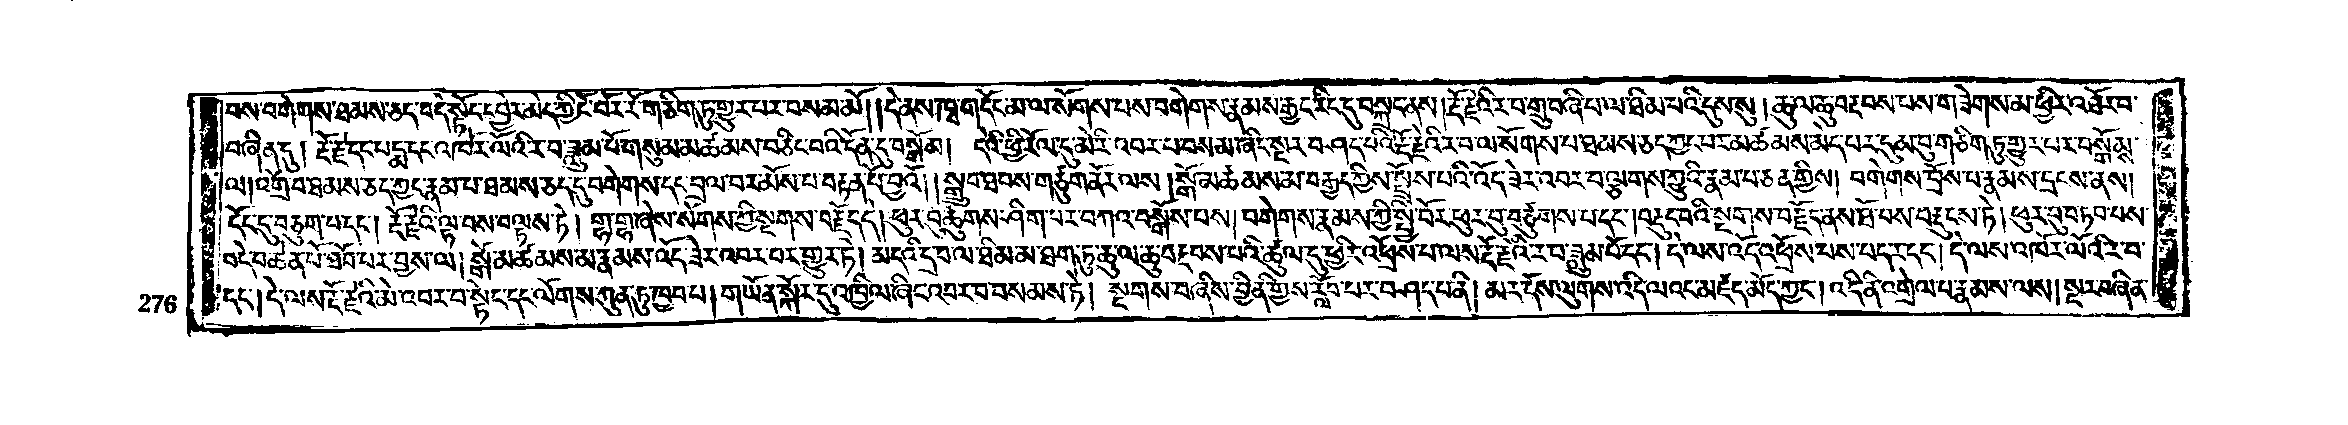བས་བགེགས་ཐམས་ཅད་བདེ་སྟོང་དབྱེར་མེད་ཀྱི་ངོ་བོར་རོ་གཅིག་ཏུ་གྱུར་པར་བསམ་མོ། །དེ་ནས་ཁྭ་གདོང་མ་ལ་སོགས་པས་བགེགས་རྣམས་རྒྱང་རིང་དུ་བསྐྲད་ནས། རྡོ་རྗེའི་ར་བ་གྲུ་བཞི་པ་ལ་ཐིམ་པའི་དུས་སུ། ཆུ་ལ་ཆུ་བརྡབས་པས་གཟེགས་མ་ཕྱིར་འཐོར་བ་
བཞིན་དུ། རྡོ་རྗེ་དང་པདམ་དང་འཁོར་ལོའི་ར་བ་ཟླུམ་པོ་གསུམ་མཚམས་བཅིང་བའི་དོན་དུ་བསྒོམ། དེའི་ཕྱི་རོལ་དུ་མེ་རི་འབར་པ་བསམ་ཞིང་སྔར་བཤད་པའི་རྡོ་རྗེའི་ར་བ་ལ་སོགས་པ་ཐམས་ཅད་ཀྱང་བར་མཚམས་མེད་པར་དུམ་བུ་གཅིག་ཏུ་གྱུར་པར་བསྒོམས་
ལ། འགྲོ་བ་ཐམས་ཅད་ཀྱང་རྣམ་པ་ཐམས་ཅད་དུ་བགེགས་དང་བྲལ་བར་མོས་པ་བརྟན་པོ་བྱའོ། །སྒྲུབ་ཐབས་གཙུག་ནོར་ལས། སྒོ་མཚམས་མ་བརྒྱད་ཀྱིས་སྤྲོས་པའི་འོད་ཟེར་འབར་བ་ལྕགས་ཀྱུའི་རྣམ་པ་ཅན་གྱིས། བགེགས་བྲོས་པ་རྣམས་དྲངས་ནས།
དོང་དུ་བཅུག་པ་དང་། རྡོ་རྗེའི་ལྟ་བས་བལྟས་ཏེ། གྷ་གྷ་ཞེས་སོགས་ཀྱི་སྔགས་བརྗོད་དེ། ཕུར་བུ་ཚུགས་ཤིག་པར་བཀའ་བསྒོས་པས། བགེགས་རྣམས་ཀྱི་སྤྱི་བོར་ཕུར་བུ་བཙུགས་པ་དང་། བརྡུང་བའི་སྔགས་བརྗོད་ནས་ཐོ་བས་བརྡུངས་ཏེ། ཕུར་བུ་བཏབ་པས་
བདེ་བ་ཆེན་པོ་ཐོབ་པར་བྱས་ལ། སྒོ་མཚམས་མ་རྣམས་འོད་ཟེར་འབར་བར་གྱུར་ཏེ། མདའི་དྲ་བ་ལ་ཐིམ་མ་ཐག་ཏུ་ཆུ་ལ་ཆུ་བརྡབས་པའི་ཚུལ་དུ་ཕྱིར་འཕྲོས་པ་ལས་རྡོ་རྗེའི་ར་བ་ཟླུམ་པོ་དང་། དེ་ལས་འོད་འཕྲོས་པས་པད་ར་དང་། དེ་ལས་འཁོར་ལོའི་ར་བ་
དང་། དེ་ལས་རྡོ་རྗེའི་མེ་འབར་བ་སྟེང་དང་ལོགས་ཀུན་ཏུ་ཁྱབ་པ། གཡོན་སྐོར་དུ་འཁྱིལ་ཞིང་འབར་བ་བསམས་ཏེ། སྔགས་བཞིས་བྱིན་གྱིས་རློབ་པར་བཤད་པ་ནི། མར་དོས་ལུགས་འདི་ལའང་མཛད་མོད་ཀྱང་། འདི་ནི་འགྲེལ་པ་རྣམས་ལས། སྔར་བཞིན་